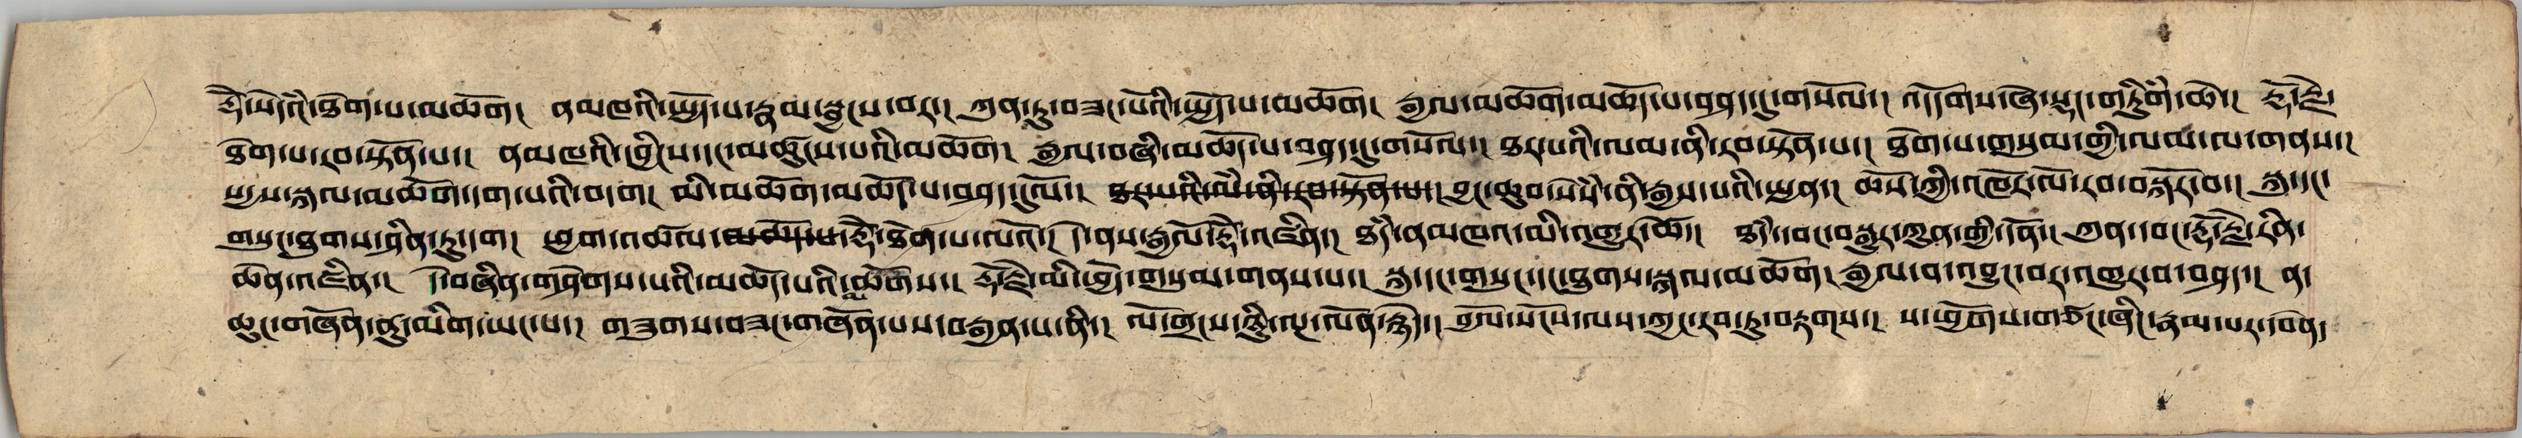རྡོེ་སེདཾའ་ཐེག་པ་མཆོག། ནམཁའི་སྤྱོད་པ་རྣམ་སྦྱངས་བར་། ཀུན་ཏུ་བཟང་པོའི་སྤྱོད་པ་མཆོག། རྒྱལ་མཆོག་མཆོད་པ་བཤད་དུ་གསོལ་། འདོདགས་ཞེ་སྡང་གཏིུཾག་ཆེ་། རྡོ་རྗེ་
ཐེག་པ་རབ་སྟོན་པ་། ནམཁའི་དབྱིངས་དང་མཚུངས་པའི་མཆོག། རྒྱལ་བཞི་མཆོད་པ་བཤད་དུ་གསོལ་། ཐར་པའི་ལམ་ནི་རབ་སྟོན་པ་། ཐེག་པ་གསུམ་གྱི་ལམ་ལ་གནས་།
སདྱས་སྐལ་མཆོག་དག་པའི་བདག། མི་མཆོག་མཆོད་པ་བཤད་དུལོ་། ཐར་པའི་ལཾ་ནི་རབ་སྟོན་པ་། བྱང་ཆུབ་སེཾས་ནི་རྒྱས་པའི་སྤྱན་། ཆོས་ཀྱི་འཁོར་ལོ་རབ་བསྐོར་བ་། སྐུ་དང་
གསུང་ཐུགས་ཤིན་ཏུ་དག། ཕྱག་འཚལ་མཆོད་པ་རྡོེ་ཐེག་པ་ལའོ་། དེ་ནས་རྒྱལོ་རྡོེ་འཛིན་། ཐདཾ་ནམཁའ་མི་འགྱུར་ཚེ་། ཐདཾ་དབང་བསྒྱུར་ཀུན་གྱི་དོན་། ཀུན་དབང་རྡོ་རྗེ་རིན་
ཆེན་འཛིན་། དེ་བཞིན་གཤེགས་པའི་མཆོད་པའི་མཆོགས་། རྡོ་རྗེ་མི་ཕྱེད་གསུམ་གནས་པ་། སྐུ་དང་གསུང་དང་ཐུགས་སྐལ་མཆོག། རྒྱལ་བ་འབྱུང་བར་འགྱུར་བ་བཤད་། ན་
ཆུང་གཞོན་ནུ་མིག་ཡང་པ་། གཟུགས་བཟང་གཞོན་པས་བརྒྱན་པ་ནི་། ལོ་གྲངས་ཉིུ་ལྔ་ལོན་རྙེད་། བྱོལ་སོངས་ལས་ཀྱང་རབ་ཏུ་བརྟགས་། ས་ཕྱོགས་གཙང་ཞིང་རྣམ་པར་དབེན་